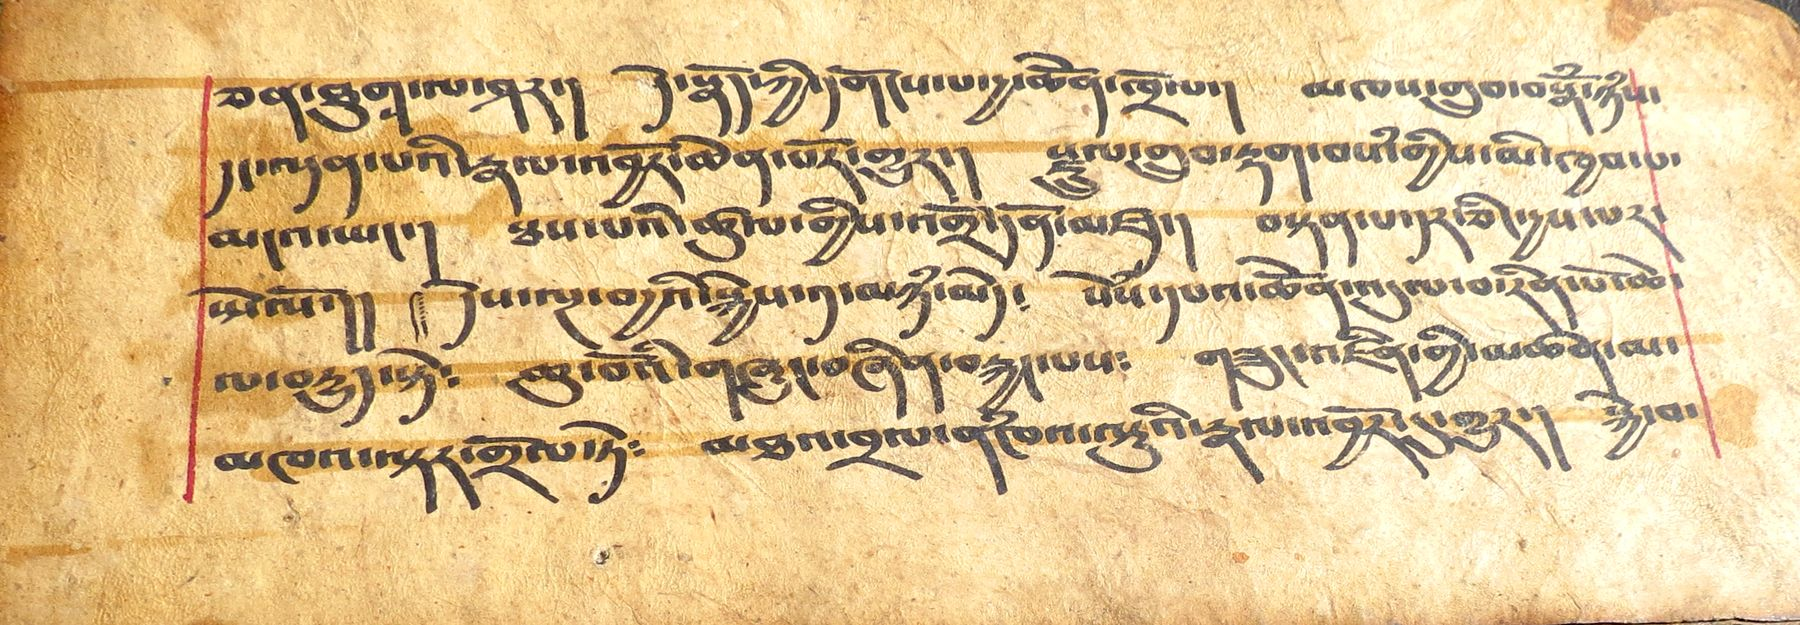ཅན་རྒྱུད་ལ་ཤར་ཏེ། སྡེ་སྣོད་ཀྱི་དགོངས་པ་རྒྱ་ཆེན་པོ་གྲོལ། མཁས་གྲུབ་སྒོམ་ཉམས་
དང་ལྡན་པའི་རྣལ་འབྱོར་ཆེན་པོར་གྱུར། རྫུ་འཕྲུལ་གྲུབ་རྟགས་བསམ་གྱིས་མི་ཁྱབ་པ་
མངའ་ཡང་། སྦས་པའི་ཚུལ་གྱིས་འགྲོ་དོན་མཛད། བསྟན་པ་དར་ཞིང་རྒྱས་པར་
སྤེལ་ལོ། དེས་ལྔ་བརྒྱའི་སྐྱེས་ཅིག་མཉམ་མེད། སེམས་དཔའ་ཆེན་པོ་འདུལ་བ་རིན་པོ་ཆེ་
ལ་བརྒྱུད་དེ། ཆུ་བོའི་གཞུང་བཞིན་བསྐྱངས་པས་གཟུང་འཛིན་གྱི་མཚན་མ་
མཁའ་ལྟར་གྲོལ་ཏེ། མཐའ་བྲལ་ནམ་མཁའ་ལྟ་བུའི་རྣལ་འབྱོར་དུ་གྱུར། སྐྱེ་བ་